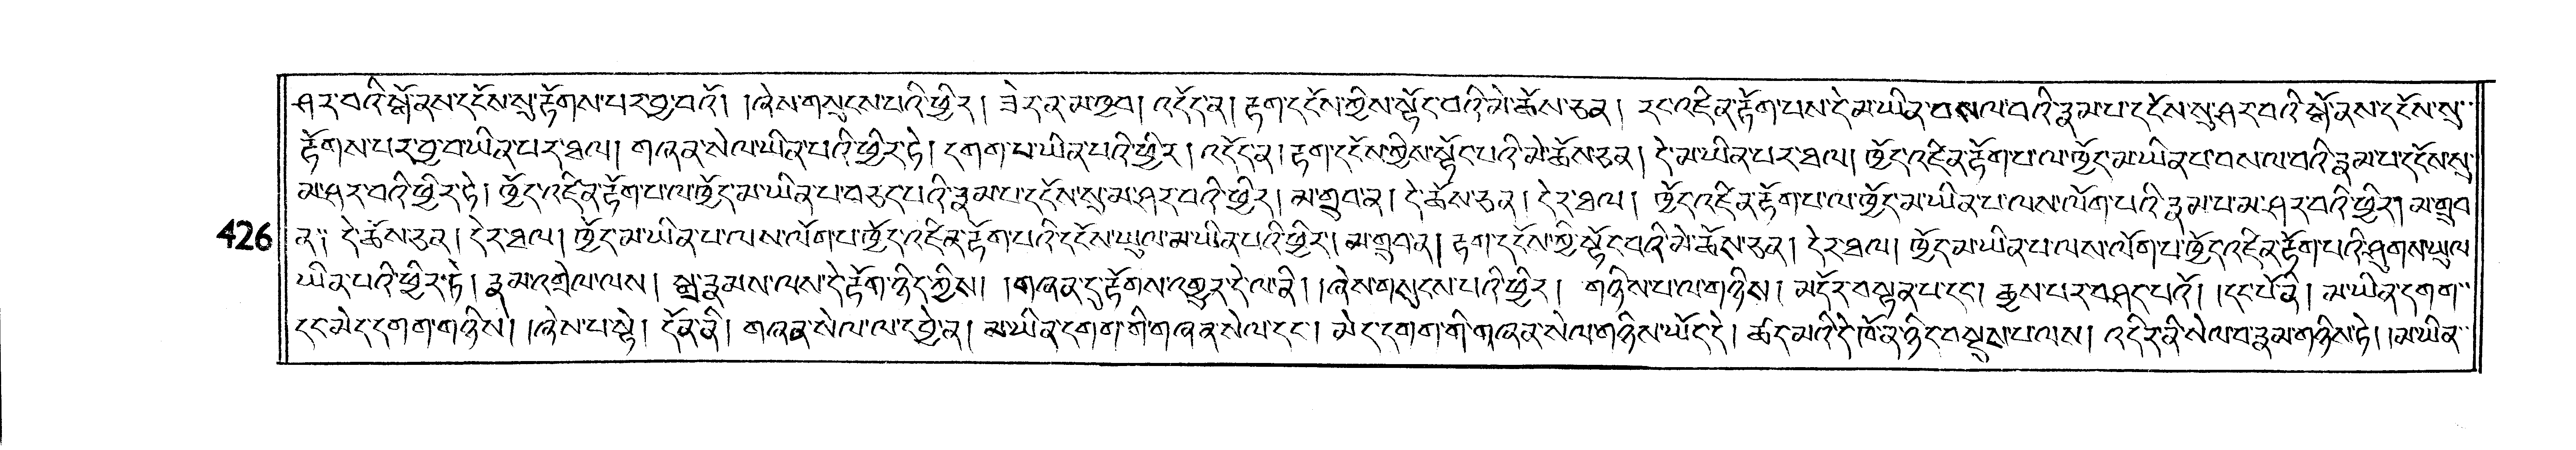ཤར་བའི་སྒོ་ནས་སུ་རྟོགས་པར་བྱ་བའོ། །ཞེས་གསུངས་པའི་ཕྱིར། །ཟེར་ན་མ་ཁྱབ། འདོད་ན།རྟག་དངོས་ཀྱིས་སྟོང་བའི་མེ་ཆོས་ཅན། རང་འཛིན་རྟོག་པས་དེ་མ་ཡིན་བསླ་བའི་རྣམ་པ་དངོས་སུ་ཤར་བའི་སྒོ་ནས་དངོས་སུ་
རྟོགས་པར་བྱ་བ་ཨིན་པར་ཐལ། གཞན་སེལ་ཡིན་པའི་ཕྱིར་ཏེ། དགག་པ་ཡིན་པའི་ཕྱིར། འདོད་ན། རྟག་དངོས་ཀྱིས་སྟོང་པའི་མེ་ཆོས་ཅན། དེ་མ་ཡིན་པར་ཐལ། ཁྱོད་འཛིན་རྟོག་པ་ལ་ཁྱོད་མ་ཡིན་པ་བསླ་བའི་རྣམ་པ་དངོས་སུ་
མ་སཧར་བའི་ཕྱིར་ཏེ། ཁྱོད་འཛིན་རྟོག་པ་ལ་ཁྱོད་མ་ཡིན་པ་བཅད་པའི་རྣམ་པ་དངོས་སུ་མ་ཤར་བའི་ཕྱིར། མ་གྲུབ་ན། དེ་ཆོས་ཅན། དེར་ཐལ། ཁྱོད་འདིཟན་རྟོག་པ་ལ་ཁྱོད་མ་ཡིན་པ་ལས་ལོག་པའི་རྣམ་པ་མ་ཤར་བའི་ཕྱིར། མ་གྲུབ་
ཨན༑ དེ་ཆོས་ཅན། དེར་ཐལ་ཁྱོད་མ་ཡིན་པ་ལས་ལྒོ་པ་ཁྱོད་འཛིན་རྟོག་པའི་དངོས་ཡུལ་མ་ཡིནྤའི་ཕྱིར། མ་གྲུབ་ན། རྟག་དངོས་ཀྱི་སྟོང་བའི་མེ་ཆོས་ཅན། དེར་ཐལ། ཁྱོད་མ་ཡིན་པ་ལས་ལོག་པ་ཁྱོད་འཛིན་རྟོག་པའི་ཤུགས་ཡུལ་
ཡིན་པའི་ཕྱིར་ཏེ། རྣམ་འགྲེལ་ལས། སྒྲ་རྣམས་ལས་དེ་རྟོག་ཉིད་ཀྱིས། །གཞན་དུ་རྟོགས་འགྱུར་དེ་ལ་ནི། །ཞེས་གསུངས་པའི་ཕྱིར། གཉིས་པ་ལ་གཉིས། མདོར་བསྟན་པ་དང་། རྒྱས་པར་བཤད་པའོ། །དང་པོ་ནི། མ་ཡིན་དགག་པ་
དངྨེད་དགག་གཉིས། །ཞེས་པ་སྟེ། དོན་ནི། གཞན་སེལ་ལ་དབྱེ་ན། མ་ཡིན་དགག་གི་གཞན་སེལ་དང་། མེད་དགག་གི་གཞན་སེལ་གཉིས་ཡོད་དེ། ཚད་མའི་དེ་ཁོ་ན་ཉིད་བསྡུས་པ་ལས། འདིར་ནི་སེལ་བ་རྣམས་གཉིས་ཏེ། །མ་ཡིན་